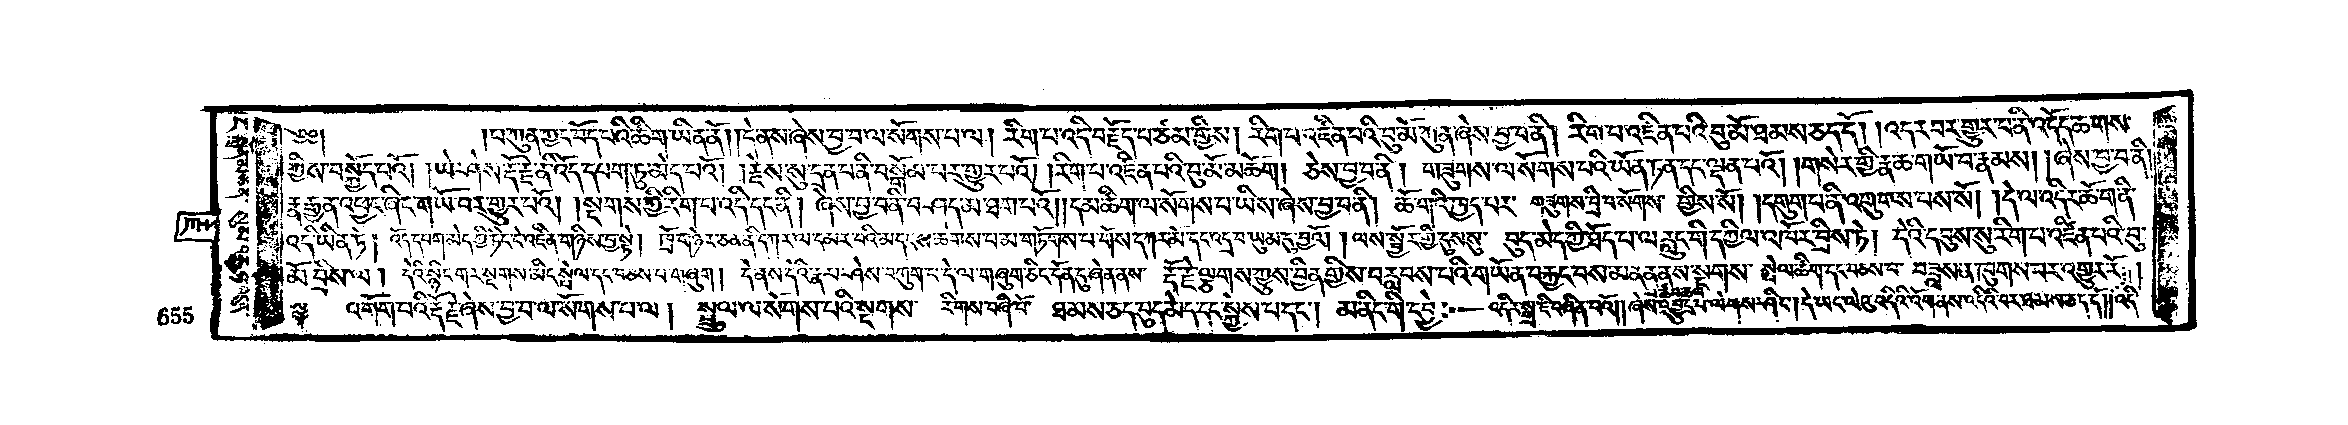༄༅། །པ་ཀུན་ཀྱང་བོད་པའི་ཚིག་ཡིན་ནོ། །དེ་ནས་ཞེས་བྱ་བ་ལ་སོགས་པ་ལ། རིག་པ་འདི་བརྗོད་པ་ཙམ་གྱིས། རིག་པ་འཛིན་པའི་བུ་མོ་ཀུན་ཞེས་བྱ་བ་ནི། རིག་པ་འཛིན་པའི་བུ་མོ་ཐམས་ཅད་དེ། །འདར་བར་གྱུར་པ་ནི་འདོད་ཆགས་
ཀྱིས་བསྐྱོད་པའོ། །ཡེ་ཤེས་རྡོ་རྗེ་ནི་འོད་དཔག་ཏུ་མེད་པའོ། །རྗེས་སུ་དྲན་པ་ནི་བསྒོམ་པར་གྱུར་པའོ། །རིག་པ་འཛིན་པའི་བུ་མོ་མཆོག །ཅེས་བྱ་བ་ནི། གཟུགས་ལ་སོགས་པའི་ཡོན་ཏན་དང་ལྡན་པའོ། །གསེར་གྱི་རྣ་ཆ་གཡོ་བ་རྣམས། །ཞེས་བྱ་བ་ནི་
རྣ་རྒྱན་འཕྱང་ཞིང་གཡོ་བར་གྱུར་པའོ། །སྔགས་ཀྱི་རིག་པ་འདི་དང་ནི། ཞེས་བྱ་བ་ནི་བཤད་མ་ཐག་པའོ། །དམ་ཚིག་ལ་སོགས་པ་ཡིས་ཞེས་བྱ་བ་ནི། ཆོ་གའི་ཁྱད་པར་གཟུགས་བྲི་བ་སོགས་གྱིས་སོ། །དགུག་པ་ནི་འགུགས་པས་སོ། །དེ་ལ་འདིར་ཆོ་ག་ནི་
འདི་ཡིན་ཏེ། འོད་དཔག་མེད་ཀྱི་ཏིང་ངེ་འཛིན་གཉིས་བྱ་སྟེ། ཁྲོ་གཉེར་ཅན་ནི་དཀར་ལ་དམར་བའི་མདངས་ཆགས་པ་མ་གཏོགས་པ་གོས་དཀར་མོ་དང་འདྲ་བ་ཡུམ་དུ་བྱའོ། །ལས་སྦྱོར་གྱི་དུས་སུ་བུད་མེད་ཀྱི་ཐོད་པ་ལ་རླུང་གི་དཀྱིལ་འཁོར་བྲིས་ཏེ། དེའི་དབུས་སུ་རིག་པ་འཛིན་པའི་བུ་
མོ་བྲིས་ལ། དེའི་སྙིང་གར་སྔགས་མིང་སྤེལ་དང་བཅས་པ་གཞུག །དེ་ནས་དེའི་རྣམ་ཤེས་བཀུག་པ་དེ་ལ་གཞུག་ཅིང་དོན་དུ་ཞེན་ནས་རྡོ་རྗེ་ལྕགས་ཀྱུས་བྱིན་གྱིས་བརླབས་པའི་གཡོན་བརྐྱང་བས་མནན་ནས་སྔགས་སྤེལ་ཚིག་དང་བཅས་པ་བཟླས་ན་ཁུགས་པར་འགྱུར་རོ། །
༈ འགོག་པའི་རྡོ་རྗེ་ཞེས་བྱ་བ་ལ་སོགས་པ་ལ། སྤྲུལ་ལ་སོགས་པའི་སྔགས་རིགས་བཞི་པོ་ཐམས་ཅད་བུད་མེད་དང་སྐྱེས་པ་དང་། མ་ནིང་གི་དབྱེཿ་འདིར་སྒྲ་ཇི་བཞིན་པའོ། །ཞེས་འབྱུང་བ་ལེགས་ཤིང་། དེ་ཡང་ལེའུ་འདིའི་འོག་ནས་འདིའི་བར་ཐམས་ཅད་དོ། །འདི་